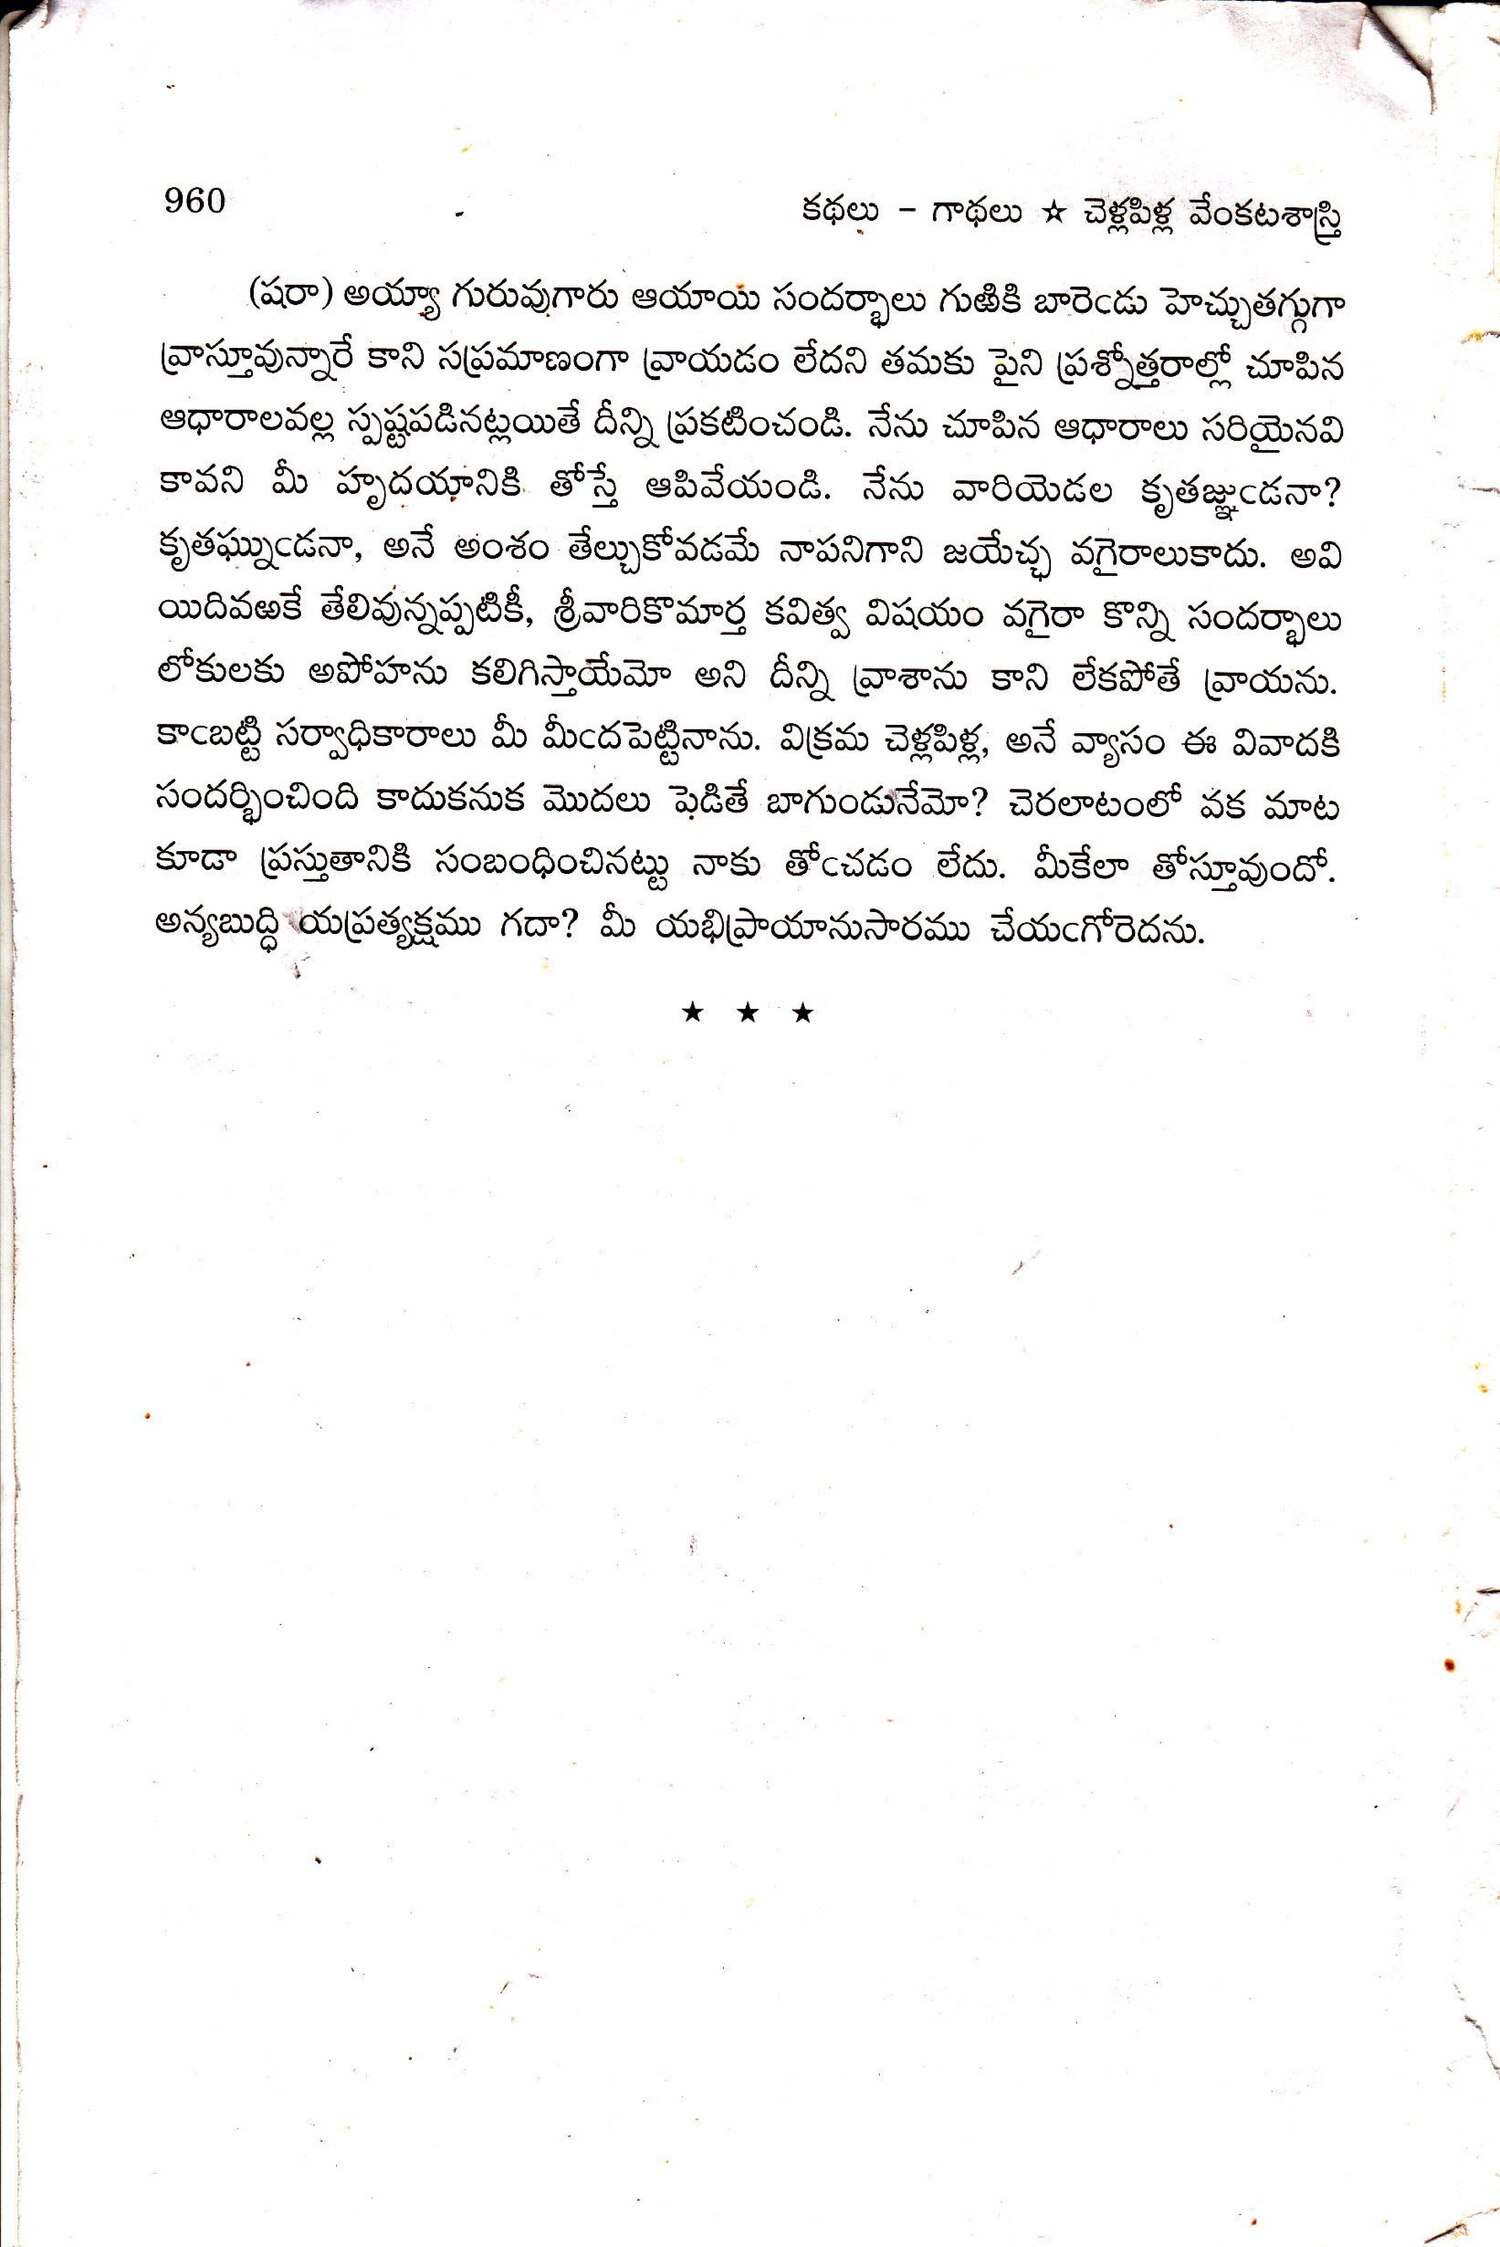(షరా) అయ్యా గురువుగారు ఆయాయి సందర్భాలు గుఱికి బారెఁడు హెచ్చుతగ్గుగా వ్రాస్తూవున్నారే కాని సప్రమాణంగా వ్రాయడం లేదని తమకు పైని ప్రశ్నోత్తరాల్లో చూపిన ఆధారాలవల్ల స్పష్టపడినట్లయితే దీన్ని ప్రకటించండి. నేను చూపిన ఆధారాలు సరియైనవి కావని మీ హృదయానికి తోస్తే ఆపివేయండి. నేను వారియెడల కృతజ్ఞుఁడనా? కృతఘ్నుఁడనా, అనే అంశం తేల్చుకోవడమే నాపనిగాని జయేచ్ఛ వగైరాలుకాదు. అవి యిదివఱకే తేలివున్నప్పటికీ, శ్రీవారికొమార్త కవిత్వ విషయం వగైరా కొన్ని సందర్భాలు లోకులకు అపోహను కలిగిస్తాయేమో అని దీన్ని వ్రాశాను కాని లేకపోతే వ్రాయను. కాఁబట్టి సర్వాధికారాలు మీ మీఁద పెట్టినాను. విక్రమ చెళ్లపిళ్ల, అనే వ్యాసం ఈ వివాదకి సందర్భించింది కాదుకనుక మొదలు పెడితే బాగుండునేమో? చెరలాటంలో వక మాటకూడా ప్రస్తుతానికి సంబంధించినట్టు నాకు తోఁచడం లేదు. మీకేలా తోస్తూవుందో,అన్యబుద్ధి యప్రత్యక్షము గదా? మీ యభిప్రాయానుసారము చేయఁగోరెదను.